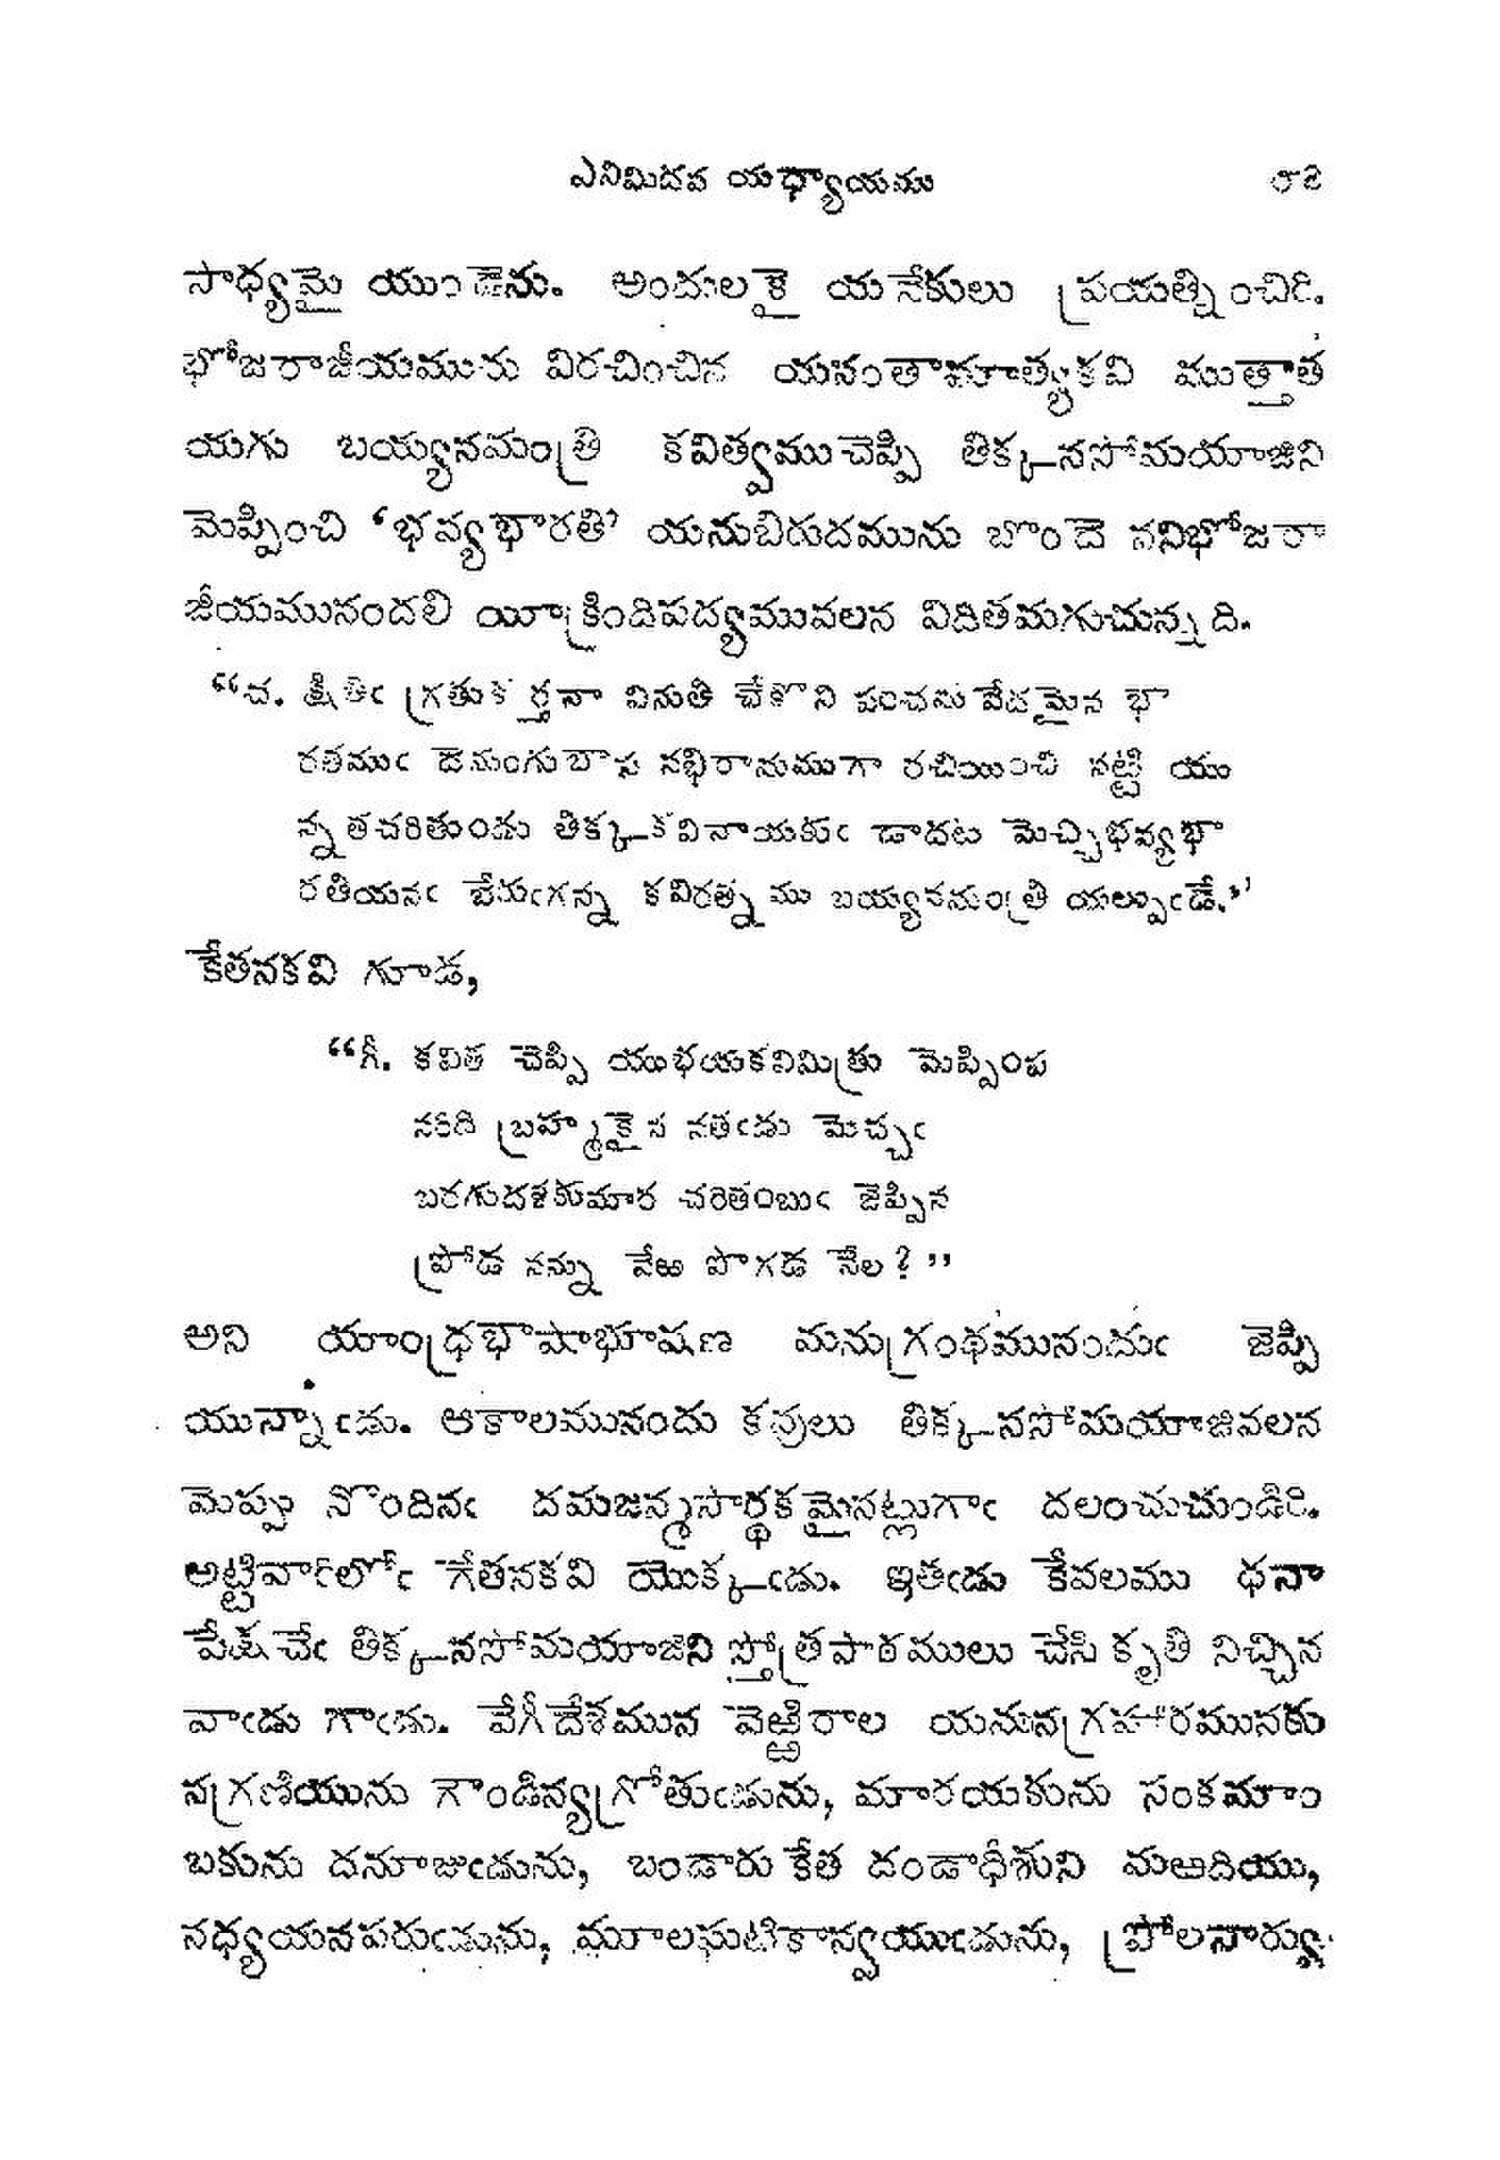సాధ్యమై యుండెను. అందులకై యనేకులు ప్రయత్నించిరి. భోజరాజీయమును విరచించిన యనంతామాత్యకవి ముత్తాతయగు బయ్యనమంత్రి కవిత్వముచెప్పి తిక్కనసోమయాజిని మెప్పించి 'భవ్యభారతి' యనుబిరుదమును బొందె ననిభోజరాజీయమునందలి యీక్రిందిపద్యమువలన విదితమగుచున్నది. 

"చ. క్షితిఁ గ్రతుకర్తనా వినుతి చేకొని పంచమవేదమైన భా 
 రతముఁ దెనుంగుబాస నభిరామముగా రచియించి నట్టి యు 
 న్నతచరితుండు తిక్కకవినాయకుఁ డాదట మెచ్చి భవ్యభా
 రతియనఁ బేరుఁగన్న కవిరత్నము బయ్యనమంత్రి యల్పుఁడే." 
కేతనకవి గూడ, 

“గీ. కవిత చెప్పి యుభయకవిమిత్రు మెప్పింప
 నరిది బ్రహ్మకైన నతఁడు మెచ్చఁ 
 బరగుదశకుమార చరితంబుఁ జెప్పిన
 ప్రోడ నన్ను వేఱ పొగడ నేల?" 
అని యాంధ్రభాషాభూషణ మన గ్రంథమునందుఁ జెప్పి యున్నాఁడు. ఆకాలమునందు కవులు తిక్కనసోమయాజివలన మెప్పు నొందినఁ దమజన్మసార్థకమైనట్లుగాఁ దలంచుచుండిరి. అట్టివారిలోఁ గేతనకవి యొక్కఁడు. ఇతఁడు కేవలము ధనాపేక్షచేఁ తిక్కనసోమయాజిని స్తోత్రపాఠములు చేసి కృతి నిచ్చిన వాఁడు గాఁడు. వేగీదేశమున వెఱ్ఱిరాల యనునగ్రహారమునకు నగ్రణియును గౌండిన్యగోత్రుఁడును, మారయకును సంకమాంబకును దనూజుఁడును, బండారు కేత దండాధీశుని మఱదియు, నధ్యయనపరుఁడును, మూలఘటికాన్వయుఁడును, ప్రోలనార్యు